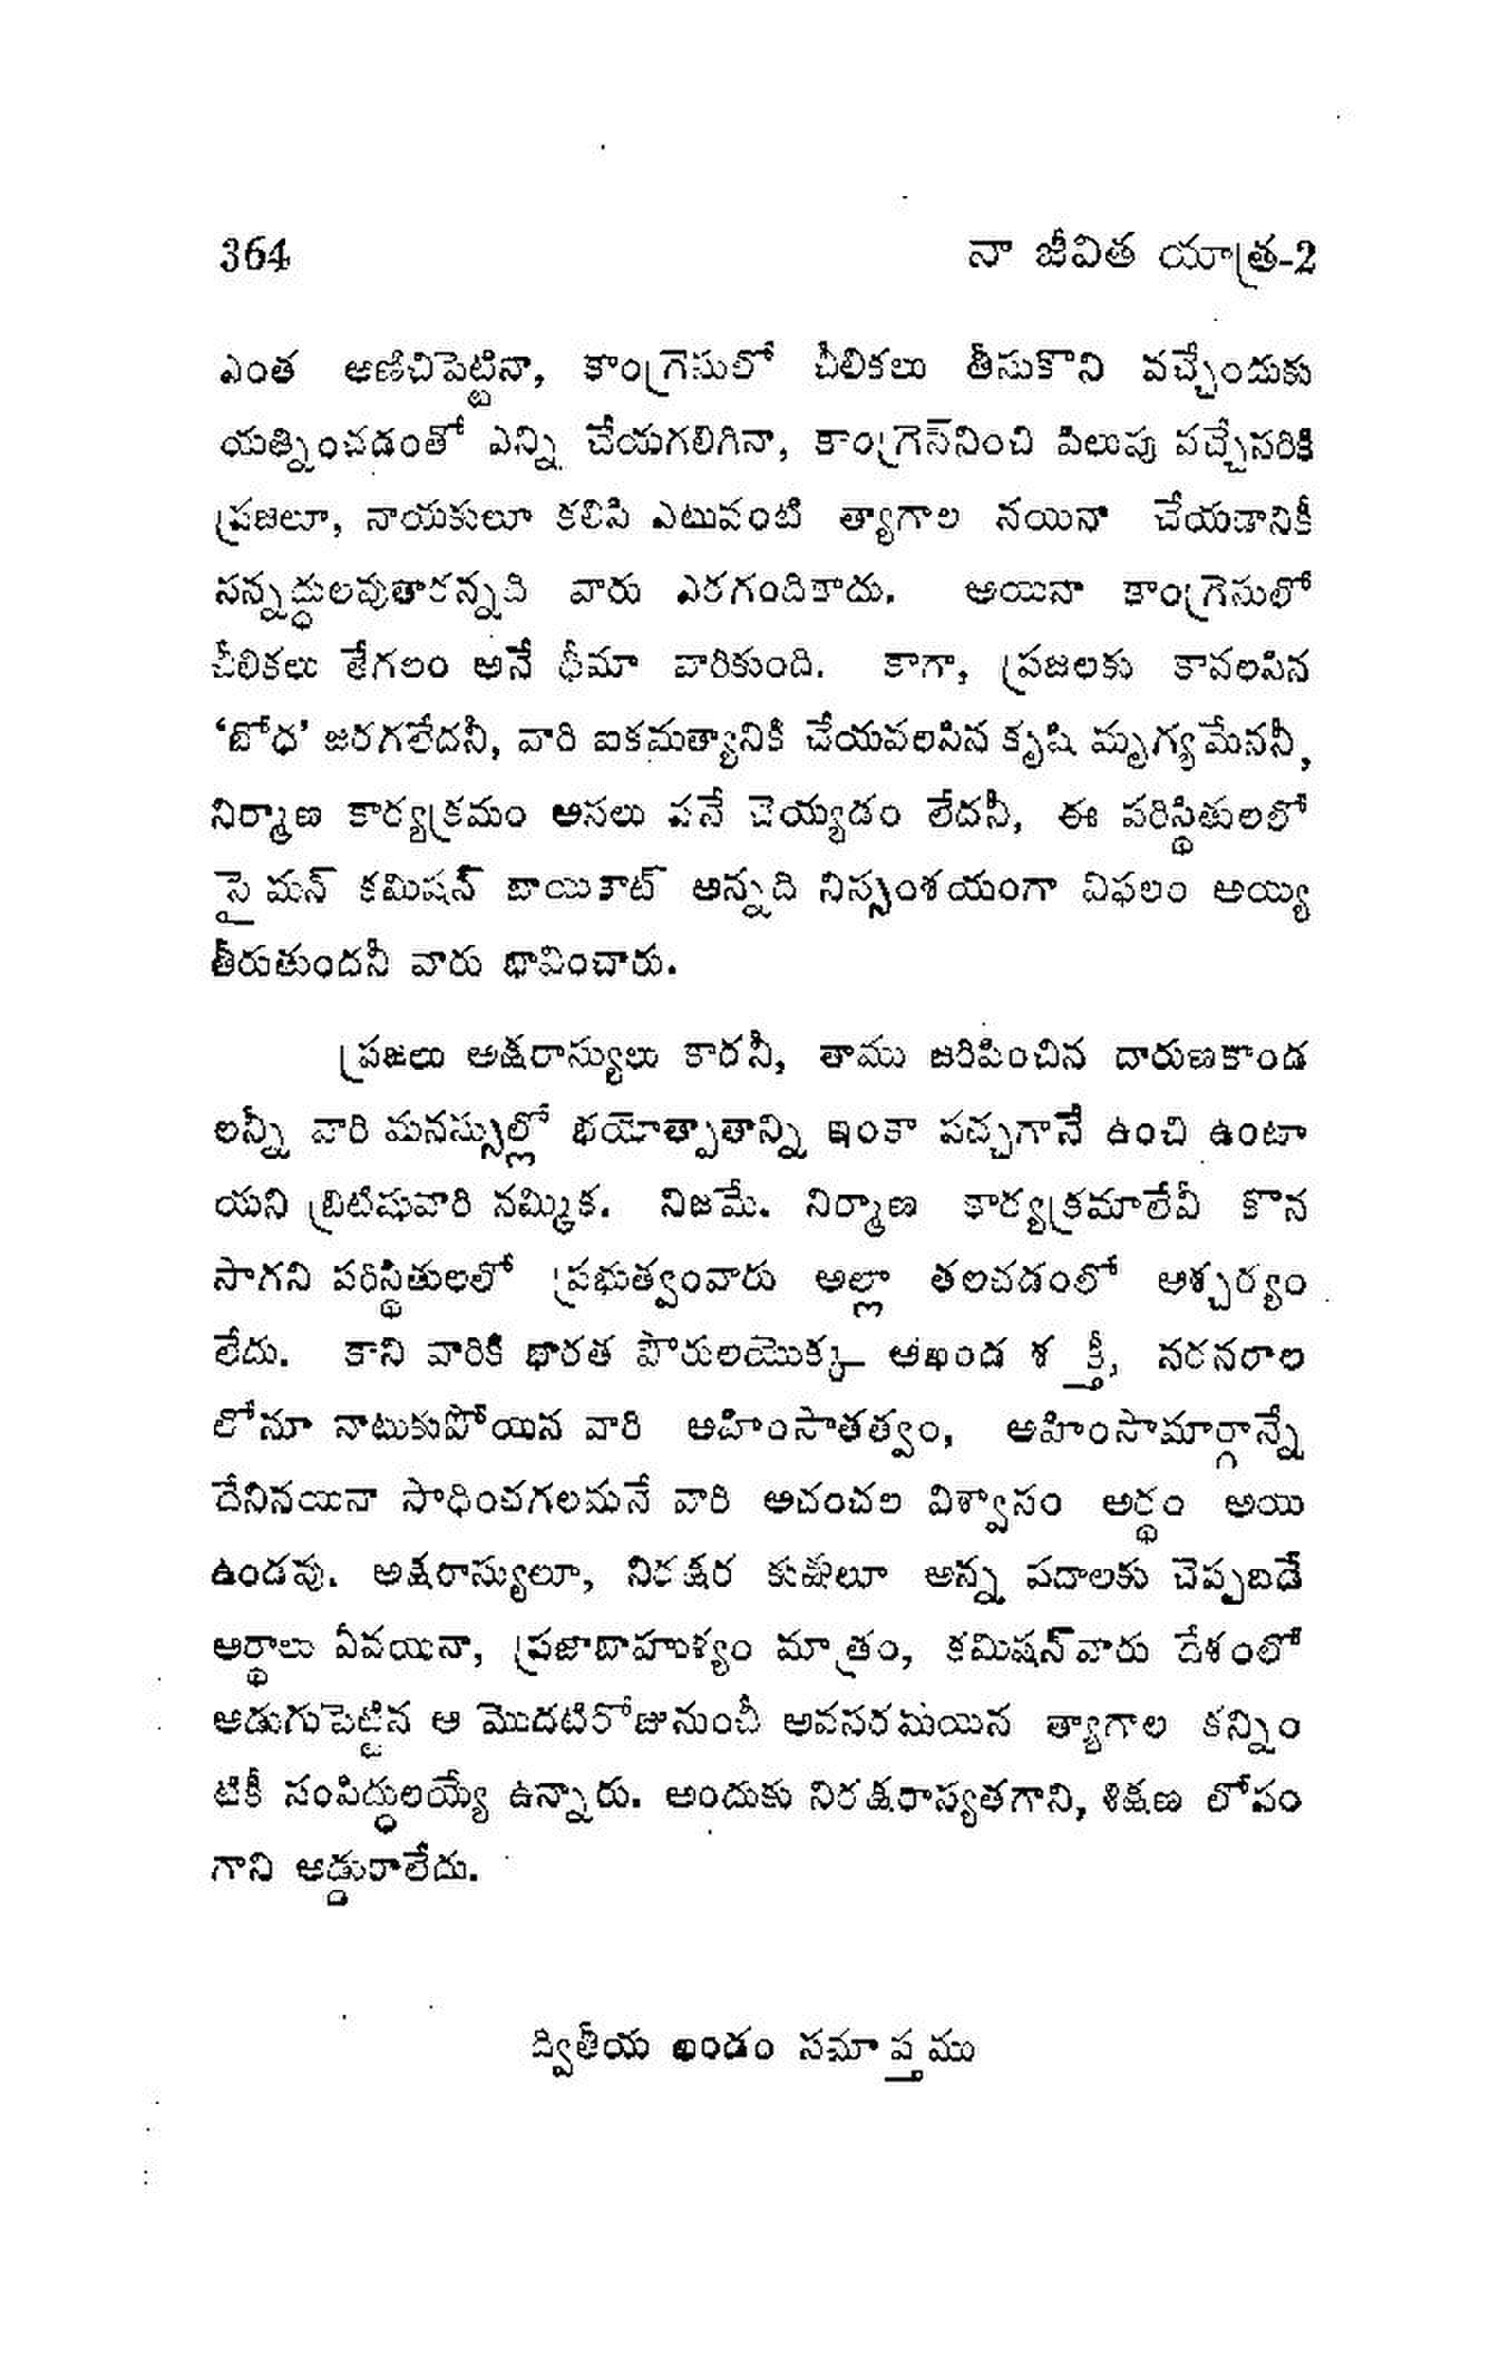ఎంత అణచి పెట్టినా, కాంగ్రెసులో చీలికలు తీసుకుని వచ్చేందుకు యత్నించడంతో ఎన్ని చేయగలిగినా, కాంగ్రెస్‌నించి పిలుపు వచ్చేసరికి ప్రజలూ, నాయకులు కలపి ఎటువంటి త్యాగాల నయినా చేయడానికీ సన్నద్ధులవుతారన్నది వారు ఎరగంది కాదు. అయినా కాంగ్రెసులో చీలికలు తేగలం అనే ధీమా వారికుంది. కాగా, ప్రజలకు కావలసిన 'బోధ' జరగలేదనీ, వారి ఐకమత్యానికి చేయవలసిన కృషి మృగ్యమేననీ, నిర్మాణ కార్యక్రమం అసలు పనే చెయ్యడం లేదనీ, ఈ పరిస్థితులలో సైమన్ కమిషన్ బాయికాట్ అన్నది నిస్సంశయంగా విఫలం అయ్యి తీరుతుందనీ వారు భావించారు.

ప్రజలు అక్షరాస్యులు కారనీ, తాము జరిపించిన దారుణకాండలన్నీ వారి మనస్సుల్లో భయోత్పాతాన్ని ఇంకా పచ్చగానే ఉంచి ఉంటాయని బ్రిటిషువారి నమ్మిక. నిజమే. నిర్మాణ కార్యక్రమాలేవీ కొనసాగని పరిస్థితులలో ప్రభుత్వంవారు అల్లా తలచడంలో ఆశ్చర్యం లేదు. కాని వారికి భారత పౌరులయొక్క అఖండ శక్తీ, నరనరాలలోనూ నాటుకుపోయిన వారి అహింసాతత్వం, అహింసామార్గాన్నే దేనినయినా సాధించగలమనే వారి అచంచల విశ్వాసం అర్థం అయి ఉండవు. అక్షరాస్యులూ, నిరక్షర కుక్షులూ అన్న పదాలకు చెప్పబడే అర్థాలు ఏవయినా, ప్రజాబాహుళ్యం మాత్రం, కమిషన్ వారు దేశంలో అడుగుపెట్టిన అ మొదటి రోజునుంచీ అవసరమయిన త్యాగాల కన్నింటికీ సంసిద్ధులయ్యే ఉన్నారు. అందుకు నిరక్షరాస్యతగాని, శిక్షణ లోపంగాని అడ్డురాలేదు.